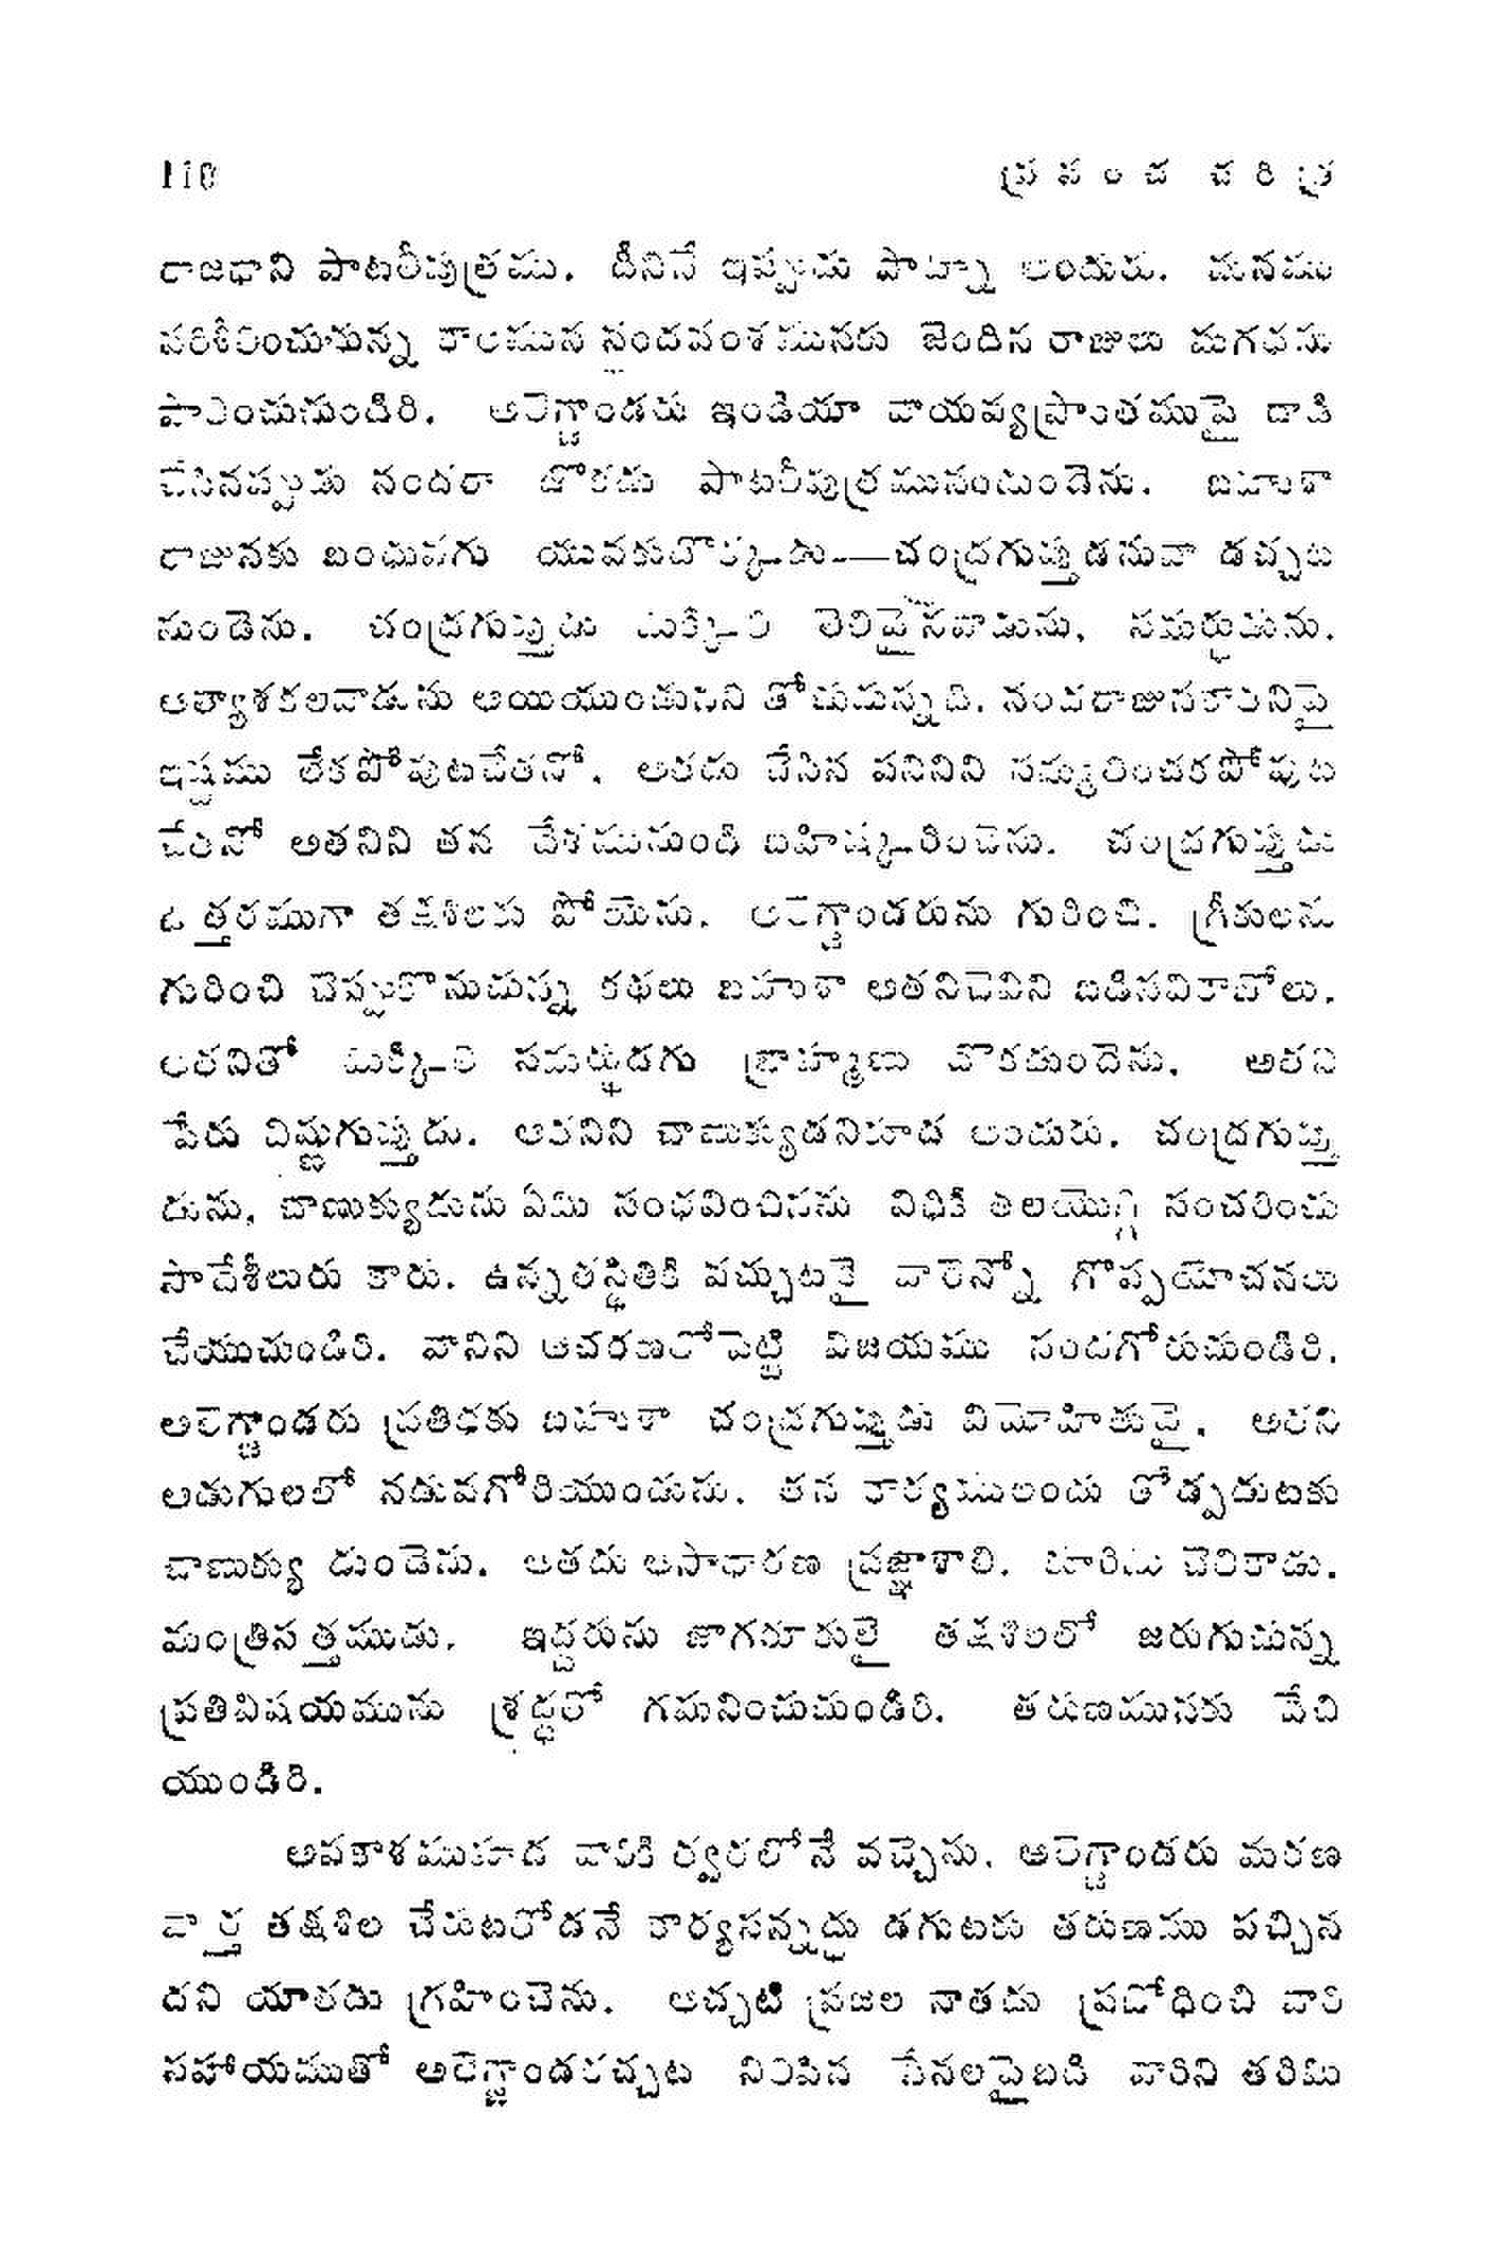రాజధాని పాటలీపుత్రము. దీనినే ఇప్పుడు పాట్నా అందురు. మనము పరిశీలించుచున్న కాలమున నందవంశమునకు జెందిన రాజులు మగధను పాలించుచుండిరి. అలెగ్జాండరు ఇండియా వాయవ్యప్రాంతముపై దాడిచేసినప్పుడు నందరా జొకడు పాటలీపుత్రమునందుండెను. బహుశా రాజునకు బంధువగు యువకుడొక్కడు - చంద్రగుప్తుడనువా డచ్చట నుండెను. చంద్రగుప్తుడు మిక్కిలి తెలివైనవాడును, సమర్ధుడును. అత్యాశకలవాడును అయియుండునని తోచుచున్నది. నందరాజునకాతనిపై ఇష్టము లేకపోవుటచేతనో, అతడు చేసిన పనివిని సమ్మతించకపోవుట చేతనో అతనిని తన దేశమునుండి బహిష్కరించెను. చంద్రగుప్తుడు ఉత్తరముగా తక్షశిలకు పోయెను. అలెగ్జాండరును గురించి, గ్రీకులను గురించి చెప్పుకొనుచున్న కథలు బహుశా అతనిచెవిని బడినవికాబోలు. అతనితో మిక్కిలి సమర్థుడగు బ్రాహ్మణు డొకడుండెను. అతని పేరు విష్ణుగుప్తుడు. అతనిని చాణుక్యుడనికూడ అందురు. చంద్రగుప్తుడును, చాణుక్యుడును ఏమి సంభవించినను విధికి తలయొగ్గి సంచరించు సాదేశీలురు కారు. ఉన్నతస్థితికి వచ్చుటకై వారెన్నో గొప్పయోచనలు చేయుచుండిరి. వానిని ఆచరణలోపెట్టి విజయము నందగోరుచుండిరి. అలెగ్జాండరు ప్రతిభకు బహుశా చంద్రగుప్తుడు విమోహితుడై, అతని అడుగులలో నడువగోరియుండును. తన కార్యములందు తోడ్పడుటకు చాణుక్యు డుండెను. అతడు అసాధారణ ప్రజ్ఞాశాలి. కూరిమి చెలికాడు. మంత్రిసత్తముడు. ఇద్దరును జాగరూకులై తక్షశిలలో జరుగుచున్న ప్రతివిషయమును శ్రద్ధతో గమనించుచుండిరి. తరుణమునకు వేచియుండిరి.

అవకాశముకూడ వారికి త్వరలోనే వచ్చెను. అలెగ్జాండరు మరణవార్త తక్షశిల చేరుటతోడనే కార్యసన్నద్ధు డగుటకు తరుణము వచ్చినదని యాతడు గ్రహించెను. అచ్చటి ప్రజల నాతడు ప్రబోధించి వారి సహాయముతో అలెగ్జాండరచ్చట నిలిపిన సేనలపైబడి వారిని తరిమి